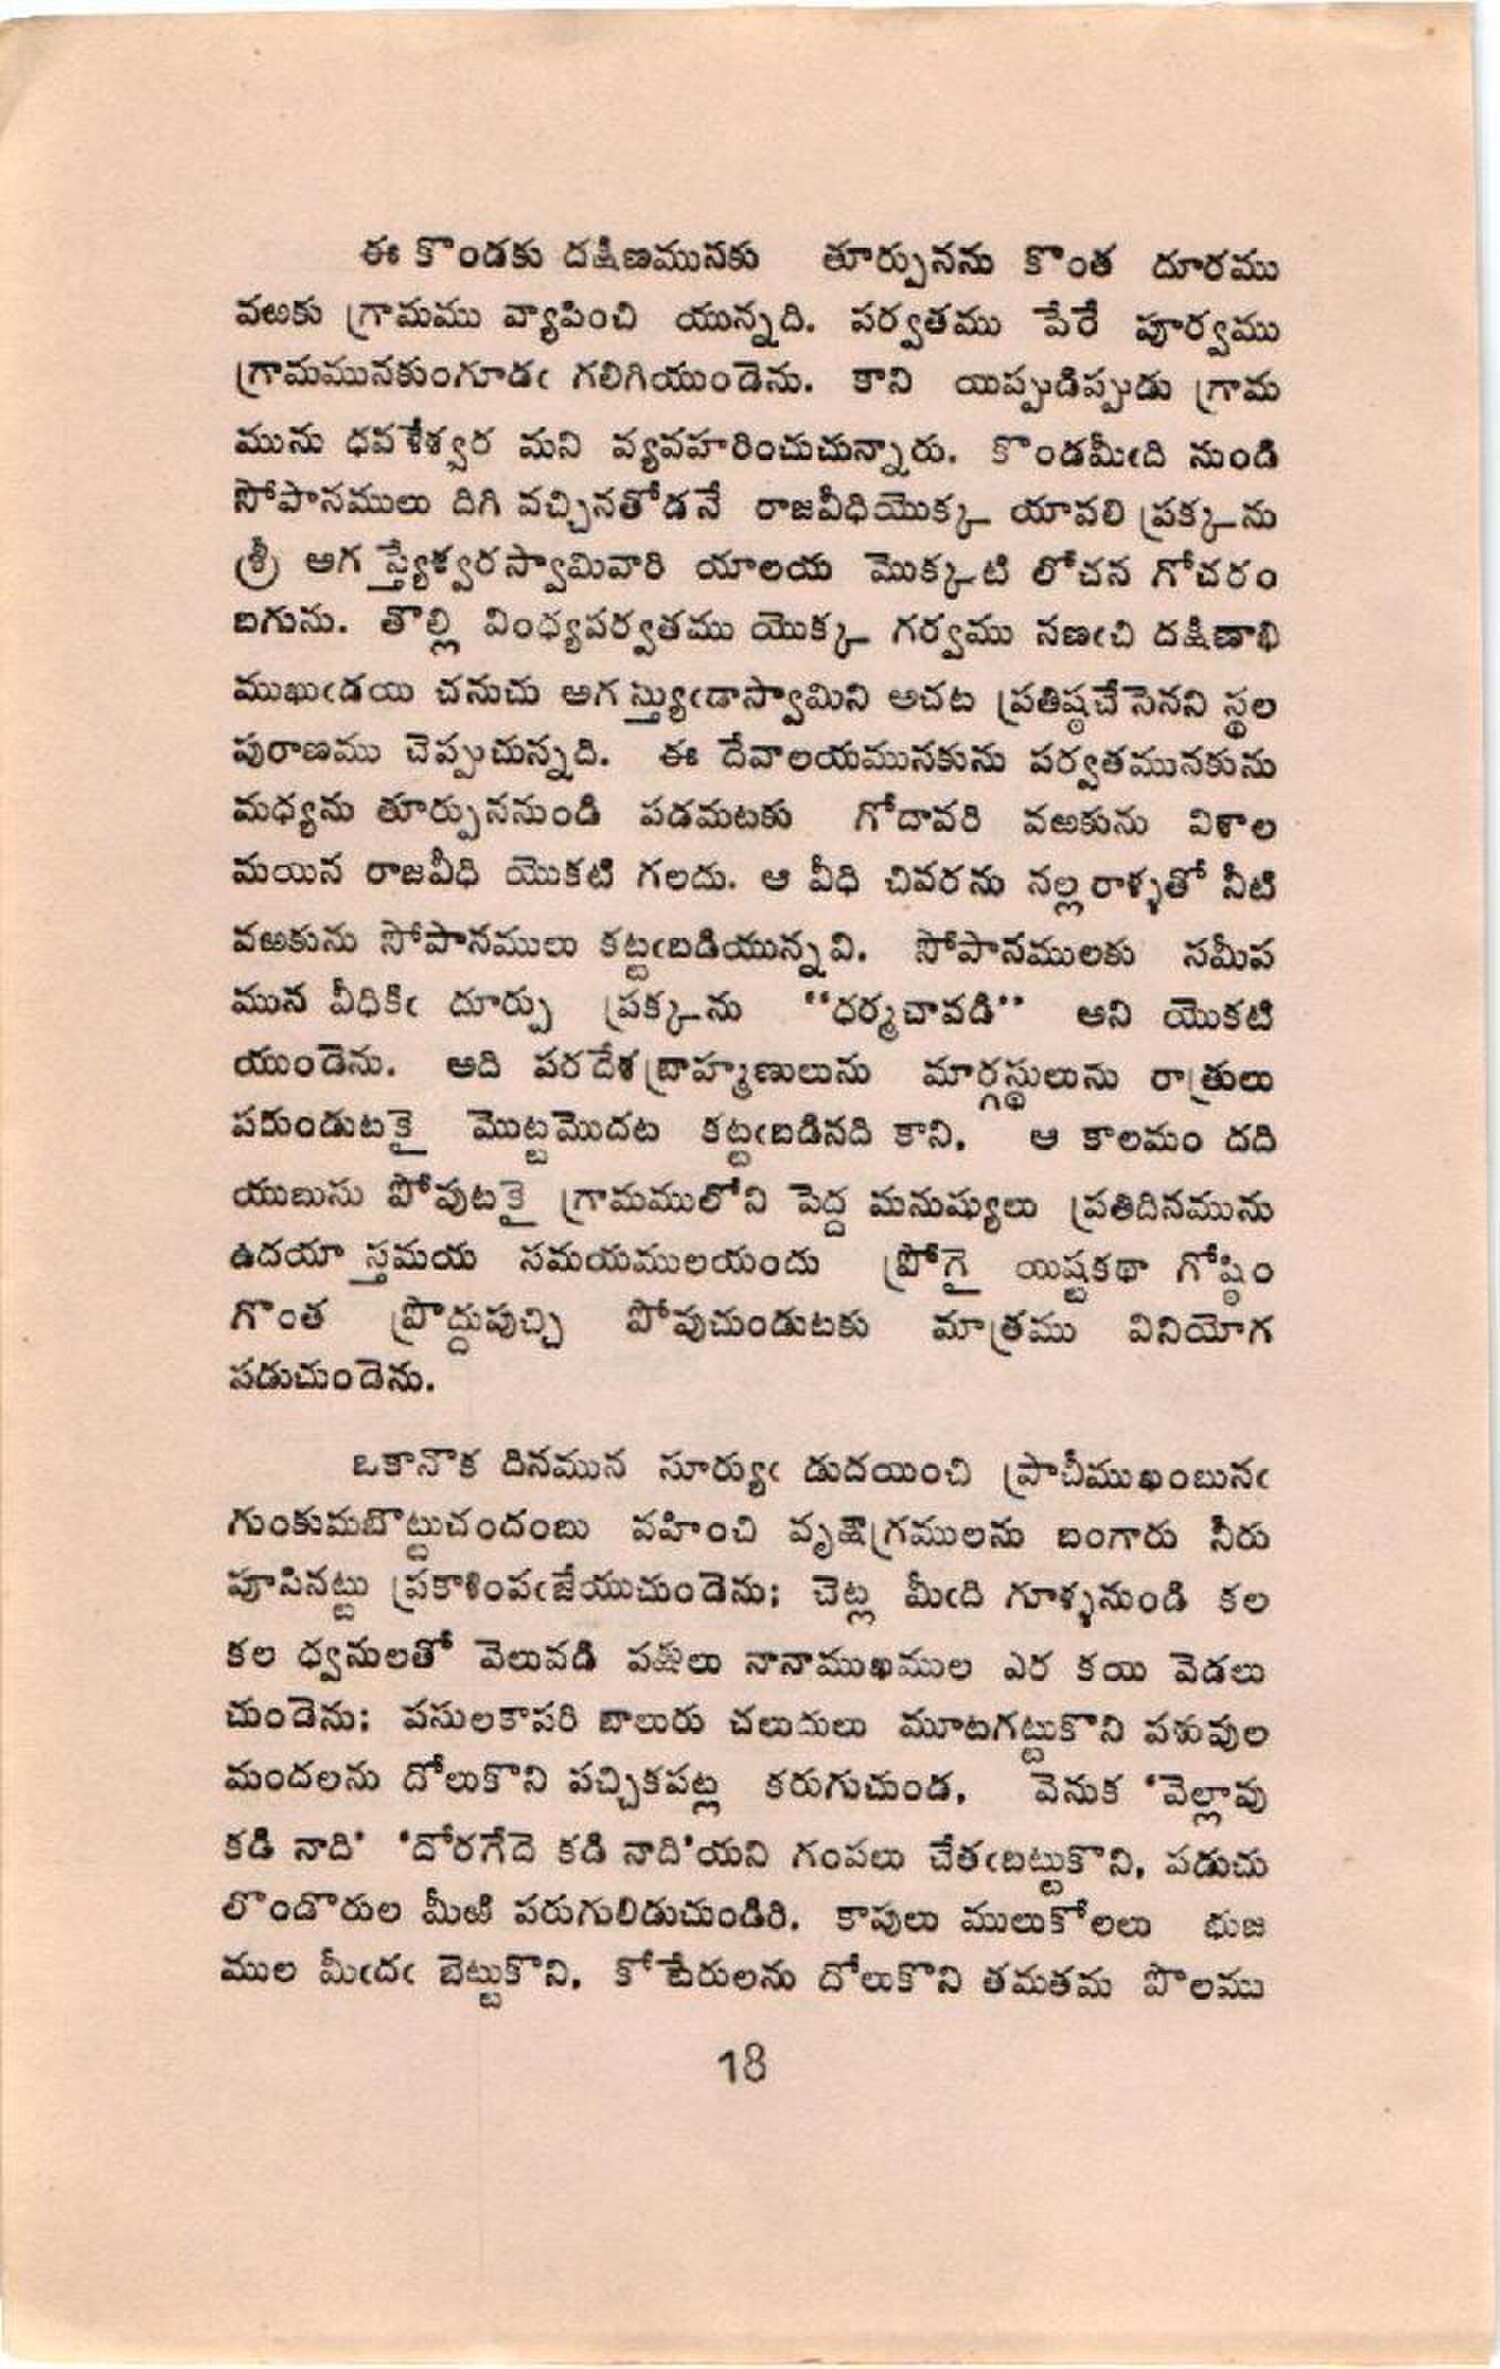ఈ కొండకు దక్షిణమునకు తూర్పునను కొంత దూరము వఱకు గ్రామము వ్యాపించి యున్నది. పర్వతము పేరే పూర్వము గ్రామమునకుంగూడఁ గలిగియుండెను. కాని యిప్పడిప్పడు గ్రామమును ధవళేశ్వర మని వ్యవహరించుచున్నారు. కొండమీఁది నుండి సోపానములు దిగి వచ్చినతోడనే రాజవీధి యొక్క యావలి ప్రక్కను శ్రీ అగస్త్యేశ్వరస్వామివారి యాలయ మొక్కటి లోచన గోచరం బగును. తొల్లి వింధ్యపర్వతము యొక్క గర్వము నణఁచి దక్షిణాభి ముఖుఁడయి చనుచు అగస్త్యుఁడాస్వామిని అచట ప్రతిష్ఠచేసెనని స్థల పురాణము చెప్పచున్నది. ఈ దేవాలయమునకును పర్వతమునకును మధ్యను తూర్పుననుండి పడమటకు గోదావరి వఱకును విశాల మయిన రాజవీధి యొకటి గలదు. ఆ వీధి చివరను నల్లరాళ్ళతో నీటి వఱకును సోపానములు కట్టబడియున్నవి. సోపానములకు సమీపమున వీధికిఁ దూర్పు ప్రక్కను "ధర్మచావడి" అని యొకటి యుండెను. అది పరదేశబ్రాహ్మణులను మార్గస్థులను రాత్రులు పరుండుటకై మొట్టమొదట కట్టబడినది కాని, ఆ కాలమం దది యుబుసు పోవుటకై గ్రామములోని పెద్ద మనుష్యులు ప్రతిదినమును ఉదయాస్తమయ సమయములయందు ప్రోగై యిష్టకథా గోష్ఠిం గొంత ప్రొద్దుపుచ్చి పోవుచుండుటకు మాత్రము వినియోగపడుచుండెను.

ఒకానొక దినమున సూర్యుఁ డుదయించి ప్రాచీముఖంబునఁ గుంకుమబొట్టుచందంబు వహించి వృక్షాగ్రములను బంగారు నీరు పూసినట్టు ప్రకాశింపఁజేయుచుండెను; చెట్ల మీఁది గూళ్ళనుండి కల కల ధ్వనులతో వెలువడి పక్షులు నానా ముఖముల ఎర కయి వెడలు చుండెను: పసులకాపరి బాలురు చలుదులు మూటగట్టుకొని పశువుల మందలను దోలుకొని పచ్చికపట్ల కరుగుచుండ, వెనుక 'వెల్లావు కడి నాది' 'దోరగేదె కడి నాది' యని గంపలు చేతఁబట్టకొని, పడుచు లొండొరుల మీఱి పరుగులిడుచుండిరి. కాపులు ములుకోలులు భుజముల మీఁదఁ బెట్టుకొని, కోటేరులను దోలుకొని తమతమ పొలము